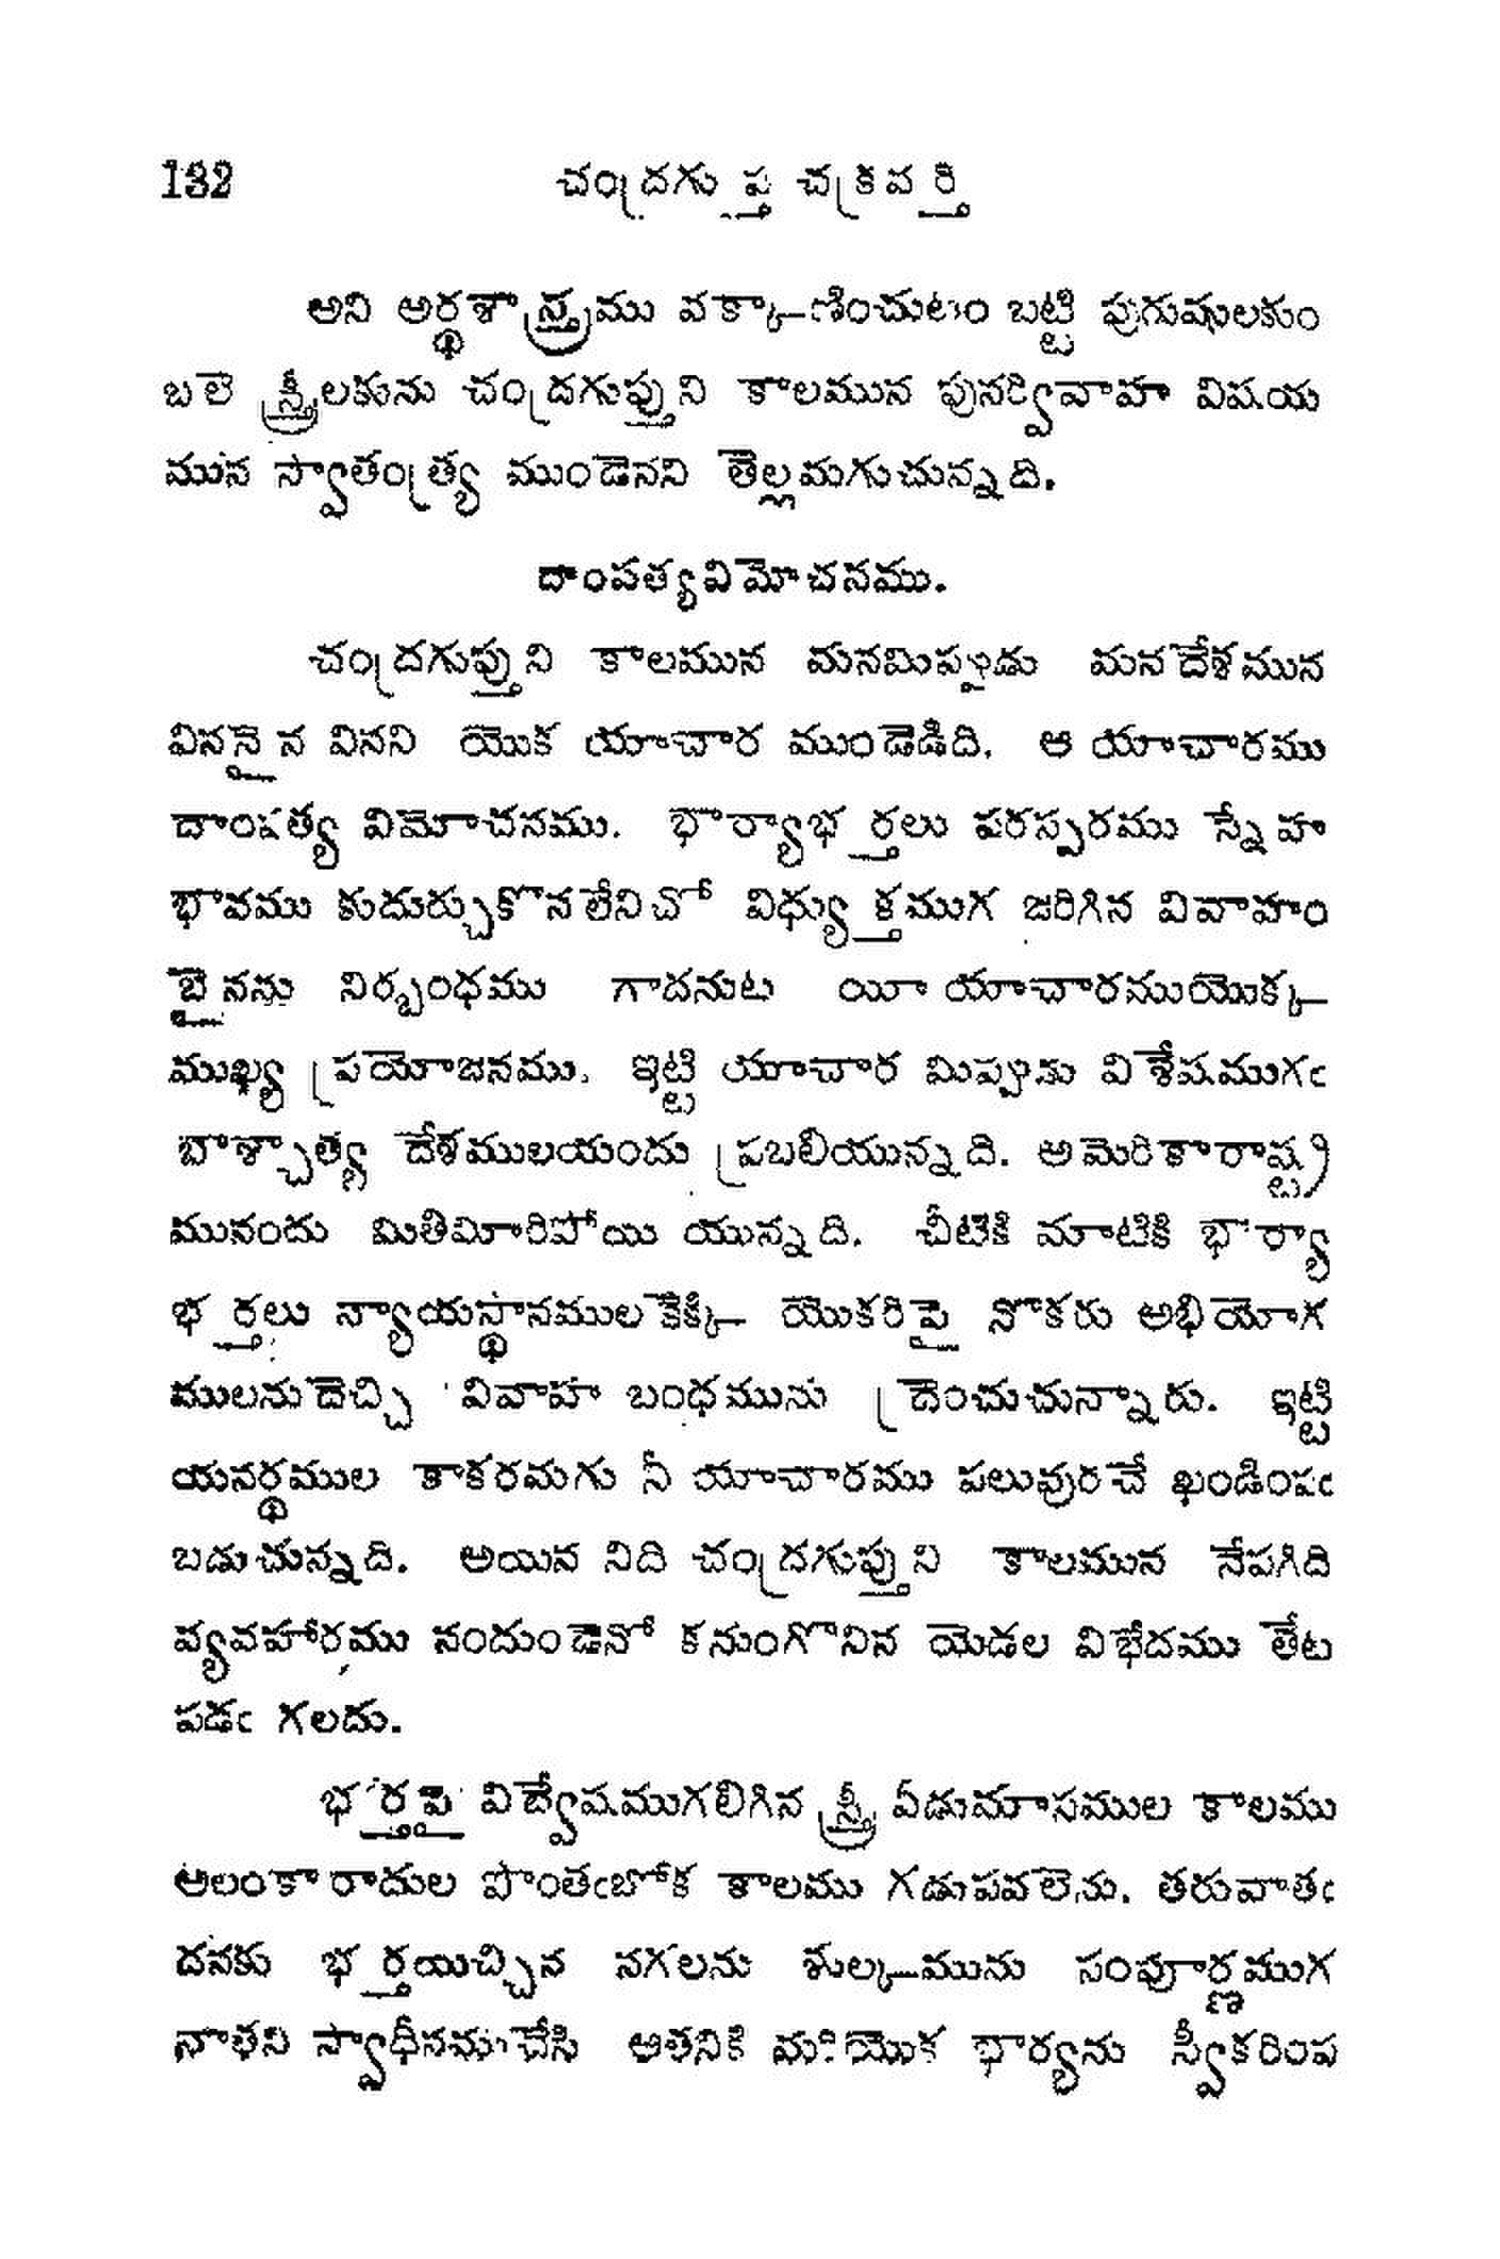అని అర్థశాస్త్రము వక్కాణించుటం బట్టి పురుషులకుం బలె స్త్రీలకును చంద్రగుప్తుని కాలమున పునర్వివాహ విషయమున స్వాతంత్ర్య ముండెనని తెల్లమగుచున్నది,

దాంపత్యవిమోచనము. 

చంద్రగుప్తుని కాలమున మనమిప్పుడు మనదేశమున విననైన వినని యొక యాచార ముండెడిది. ఆ యాచారము దాంపత్య విమోచనము. భార్యాభర్తలు పరస్పరము స్నేహభావము కుదుర్చుకొనలేనిచో విధ్యుక్తముగ జరిగిన వివాహం బైనను నిర్బంధము గాదనుట యీ యాచారముయొక్క ముఖ్య ప్రయోజనము. ఇట్టి యచార మిప్పుడు విశేషముగఁ బాశ్చాత్య దేశములయందు ప్రబలియున్నది. అమెరికారాష్ట్రమునందు మితిమీరిపోయి యున్నది. చీటికి మాటికి భార్యాభర్తలు న్యాయస్థానముల కెక్కి యొకరిపై నొకరు అభియోగములనుదెచ్చి వివాహ బంధమును ద్రెంచుచున్నారు. ఇట్టి యనర్థముల కాకరమగు నీ యాచారము పలువురిచే ఖండింపఁబడు చున్నది. అయిన నిది చంద్రగుప్తుని కాలమున నేపగిది వ్యవహారము నందుండెనో కనుంగొనిన యెడల విభేదము తేట పడఁ గలదు.

భర్తపై విద్వేషముగలిగిన స్త్రీ, ఏడుమాసముల కాలము అలంకారాదుల పొంతఁబోక కాలము గడుపవలెను. తరువాతఁ దనకు భర్తయిచ్చిన నగలను శుల్కమును సంపూర్ణముగ నాతని స్వాధీనముచేసి ఆతనికి మరియొక భార్యను స్వీకరింప